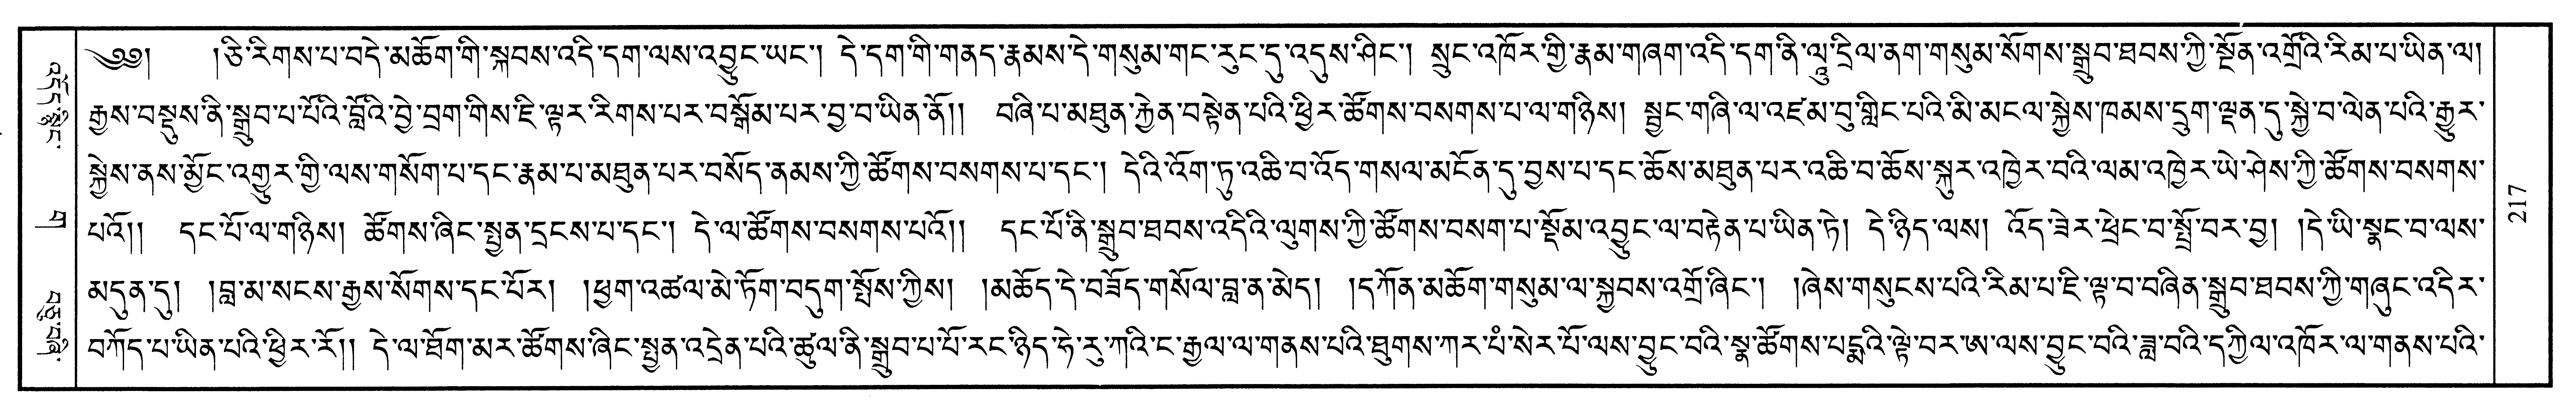༄༅། །ཅི་རིགས་པ་བདེ་མཆོག་གི་སྐབས་འདི་དག་ལས་འབྱུང་ཡང་། དེ་དག་གི་གནད་རྣམས་དེ་གསུམ་གང་རུང་དུ་འདུས་ཤིང་། སྲུང་འཁོར་གྱི་རྣམ་གཞག་འདི་དག་ནི་ལཱུ་དྲིལ་ནག་གསུམ་སོགས་སྒྲུབ་ཐབས་ཀྱི་སྔོན་འགྲོའི་རིམ་པ་ཡིན་ལ།
རྒྱས་བསྡུས་ནི་སྒྲུབ་པ་པོའི་བློའི་བྱེ་བྲག་གིས་ཇི་ལྟར་རིགས་པར་བསྒོམ་པར་བྱ་བ་ཡིན་ནོ། །བཞི་པ་མཐུན་རྐྱེན་བསྟེན་པའི་ཕྱིར་ཚོགས་བསགས་པ་ལ་གཉིས། སྦྱང་གཞི་ལ་འཛམ་བུ་གླིང་པའི་མི་མངལ་སྐྱེས་ཁམས་དྲུག་ལྡན་དུ་སྐྱེ་བ་ལེན་པའི་རྒྱུར་
སྐྱེས་ནས་མྱོང་འགྱུར་གྱི་ལས་གསོག་པ་དང་རྣམ་པ་མཐུན་པར་བསོད་ནམས་ཀྱི་ཚོགས་བསགས་པ་དང་། དེའི་འོག་ཏུ་འཆི་བ་འོད་གསལ་མངོན་དུ་བྱས་པ་དང་ཆོས་མཐུན་པར་འཆི་བ་ཆོས་སྐུར་འཁྱེར་བའི་ལམ་འཁྱེར་ཡེ་ཤེས་ཀྱི་ཚོགས་བསགས་
པའོ། །དང་པོ་ལ་གཉིས། ཚོགས་ཞིང་སྤྱན་དྲངས་པ་དང་། དེ་ལ་ཚོགས་བསགས་པའོ། །དང་པོ་ནི་སྒྲུབ་ཐབས་འདིའི་ལུགས་ཀྱི་ཚོགས་བསག་པ་སྡོམ་འབྱུང་ལ་བརྟེན་པ་ཡིན་ཏེ། དེ་ཉིད་ལས། འོད་ཟེར་ཕྲེང་བ་སྤྲོ་བར་བྱ། །དེ་ཡི་སྣང་བ་ལས་
མདུན་དུ། །བླ་མ་སངས་རྒྱས་སོགས་དང་པོར། །ཕྱག་འཚལ་མེ་ཏོག་བདུག་སྤོས་ཀྱིས། །མཆོད་དེ་བཟོད་གསོལ་བླ་ན་མེད། །དཀོན་མཆོག་གསུམ་ལ་སྐྱབས་འགྲོ་ཞིང་། །ཞེས་གསུངས་པའི་རིམ་པ་ཇི་ལྟ་བ་བཞིན་སྒྲུབ་ཐབས་ཀྱི་གཞུང་འདིར་
བཀོད་པ་ཡིན་པའི་ཕྱིར་རོ། །དེ་ལ་ཐོག་མར་ཚོགས་ཞིང་སྤྱན་འདྲེན་པའི་ཚུལ་ནི་སྒྲུབ་པ་པོ་རང་ཉིད་ཧེ་རུ་ཀའི་ང་རྒྱལ་ལ་གནས་པའི་ཐུགས་ཀར་པཾ་སེར་པོ་ལས་བྱུང་བའི་སྣ་ཚོགས་པདམའི་ལྟེ་བར་ཨ་ལས་བྱུང་བའི་ཟླ་བའི་དཀྱིལ་འཁོར་ལ་གནས་པའི་